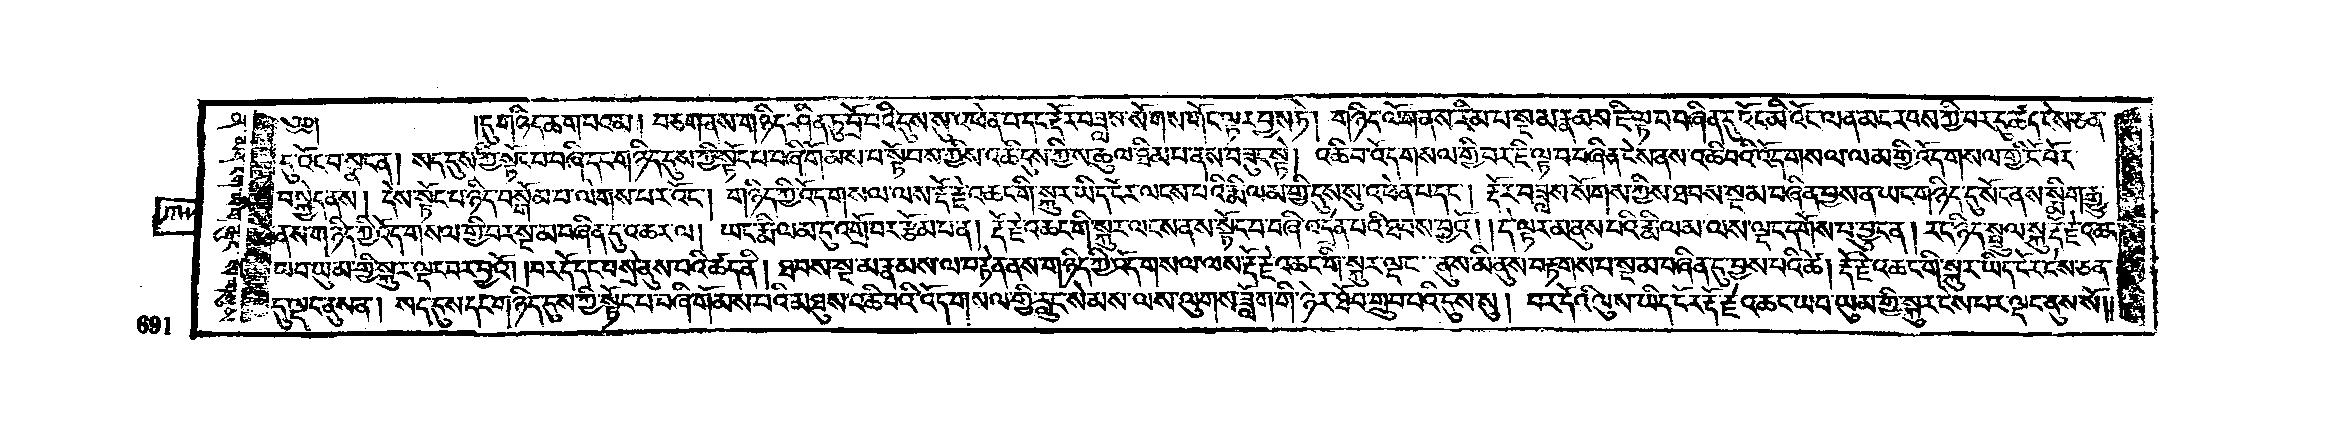༄༅། །དུ་གཉིད་ཆག་པའམ། བཅག་ནས་གཉིད་ཤིན་ཏུ་བྲོ་བའི་དུས་སུ་འཕེན་པ་དང་རྡོར་བཟླས་སོགས་གོང་ལྟར་བྱས་ཏེ། གཉིད་ལོག་ནས་རིམ་པ་སྔ་མ་རྣམས་ཇི་ལྟ་བ་བཞིན་དུ་འོང་མི་འོང་ལན་མང་རབས་ཀྱི་བར་དུ་ཚད་ངེས་ཅན་
དུ་འོང་བ་སྣང་ན། སད་དུས་ཀྱི་སྟོང་པ་བཞི་དང་གཉིད་དུས་ཀྱི་སྟོང་པ་བཞི་གོམས་པ་སྟོབས་ཀྱིས་འཆི་དུས་ཀྱི་ས་ཆུ་ལ་ཐིམ་པ་ནས་བཟུང་སྟེ། འཆི་བ་འོད་གསལ་གྱི་བར་ཇི་ལྟ་བ་བཞིན་ངེས་ནས་འཆི་བའི་འོད་གསལ་ལམ་གྱི་འོད་གསལ་གྱི་ངོ་བོར་
བསྐྱེད་ནས། དེས་སྟོང་པ་ཉིད་བསྒོམ་པ་ལེགས་པར་འོང་། གཉིད་ཀྱི་འོད་གསལ་ལས་རྡོ་རྗེ་འཆང་གི་སྐུར་ཡིད་ངོར་ལངས་པའི་རྨི་ལམ་གྱི་དུས་སུ་འཕེན་པ་དང་། རྡོར་བཟླས་སོགས་ཀྱིས་ཐབས་སྔ་མ་བཞིན་བྱས་ན་ཡང་གཉིད་དུ་སོང་ནས་སྨིག་རྒྱུ་
ནས་གཉིད་ཀྱི་འོད་གསལ་གྱི་བར་སྔ་མ་བཞིན་དུ་འཆར་ལ། ཡང་རྨི་ལམ་དུ་འགྲོ་བར་རྩོམ་པ་ན། རྡོ་རྗེ་འཆང་གི་སྐུར་ལངས་ནས་སྟོང་པ་བཞི་འདྲེན་པའི་ཐབས་བྱའོ། །དེ་ལྟར་མ་ནུས་པའི་རྨི་ལམ་ལས་ལྡང་དགོས་པ་བྱུང་ན། རང་ཉིད་སྤྲུལ་སྐུ་རྡོ་རྗེ་འཆང་
ཡབ་ཡུམ་གྱི་སྐུར་ལྡང་བར་བྱའོ། །བར་དོ་དང་བསྲེ་ནུས་པའི་ཚད་ནི། ཐབས་སྔ་མ་རྣམས་ལ་བརྟེན་ནས་གཉིད་ཀྱི་འོད་གསལ་ལས་རྡོ་རྗེ་འཆང་གི་སྐུར་ལྡང་ནུས་མི་ནུས་བརྟགས་པ་སྔ་མ་བཞིན་དུ་བྱས་པའི་ཚེ། རྡོ་རྗེ་འཆང་གི་སྐུར་ཡིད་ངོར་ངེས་ཅན་
དུ་ལྡང་ནུས་ན། སད་དུས་དང་གཉིད་དུས་ཀྱི་སྟོང་པ་བཞི་གོམས་པའི་མཐུས་འཆི་བའི་འོད་གསལ་གྱི་རླུང་སེམས་ལས་ལུགས་ཟློག་གི་ཉེར་ཐོབ་གྲུབ་པའི་དུས་སུ། བར་དོའི་ལུས་ཡིད་ངོར་རྡོ་རྗེ་འཆང་ཡབ་ཡུམ་གྱི་སྐུར་ངེས་པར་ལྡང་ནུས་སོ། །